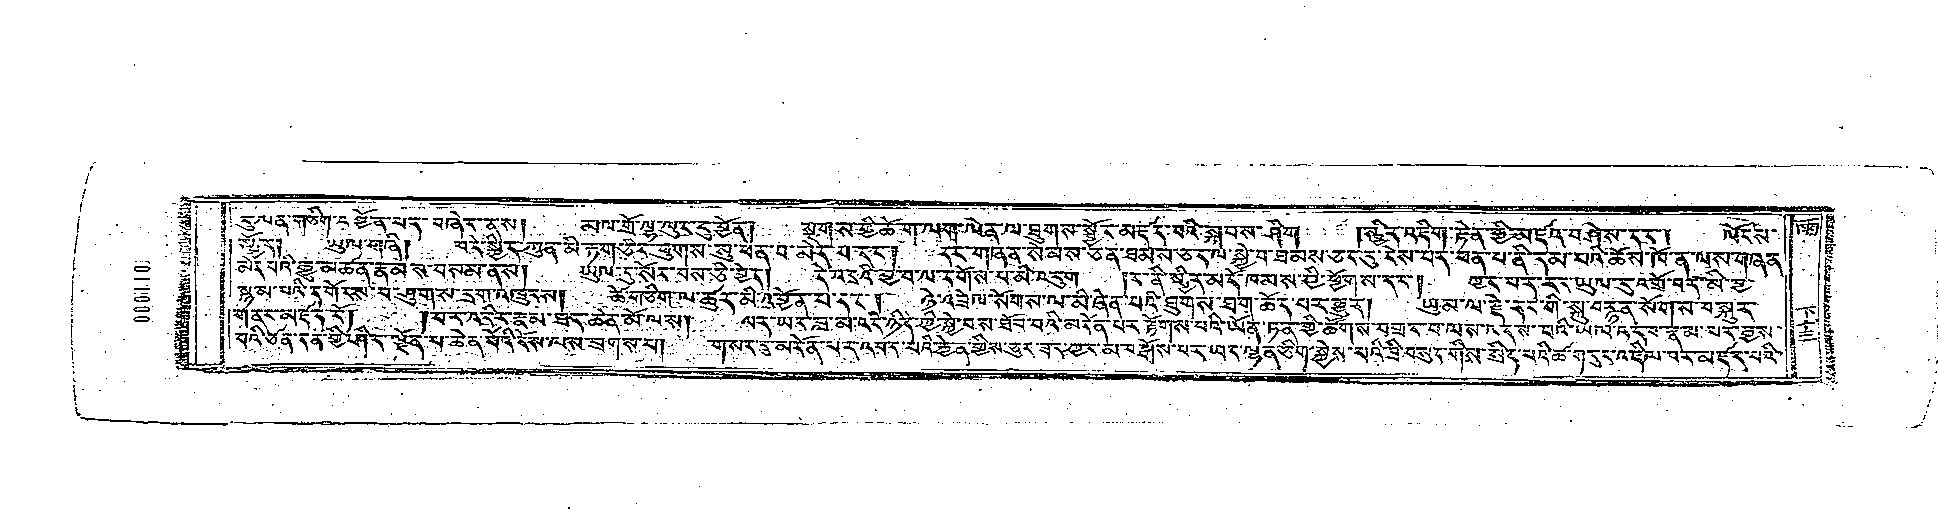དུ་ལན་གཅིག་འབྱོན་པར་བཞེང་ནས། མལ་གྲོ་ལྷ་ལུང་དུ་བྱོན། སྔགས་གྱི་ཆོ་ག་ལག་ལེན་ལ་ཐུགས་སྦྱོང་མཛད་བའི་སྐབས་ཤིག །སྤྱིར་འཇིག་རྟེན་གྱི་མཛའ་བཤེས་དང་། ལོངས་
སྤྱོད། ཡུལ་གཞི། བདེ་སྐྱིད་ཀུན་མི་རྟག་ཅིང་ཕུགས་སུ་ཕན་བ་མེད་པ་དང་། རང་གཞན་སེམས་ཅན་ཐམས་ཅད་ལ་སྐྱེ་བ་ཐམས་ཅད་དུ་ངེས་པར་ཕན་པ་ནི་དམ་པའི་ཆོས་ཁོ་ན་ལས་གཞན་
མེད་པའི་རྒྱུ་མཚན་རྣམས་བསམ་ནས། ཡུལ་དུ་སོང་བས་ཅི་བྱེད། དེ་འདྲའི་བྱ་བ་ལ་དགོས་པ་མི་འདུག །ད་ནི་སྤྱིར་མདོ་ཁམས་ཀྱི་ཕྱོགས་དང་། ཁྱད་པར་རང་ཡུལ་དུ་འགྲོ་བར་མི་བྱ་
སྙམ་པའི་དགོངས་བ་ཤུགས་དྲག་འཁྲུངས། ཚེ་གཅིག་ལ་ཚུར་མི་འབྱོན་པ་དང་། ཉེ་འབྲེལ་སོགས་ལ་མི་ཞེན་པའི་ཐུགས་ཐག་ཆོད་པར་རྒྱུར། ཡུམ་ལ་རྗེ་རང་གི་སྐུ་བརྙན་སོགས་བསྐུར་
གནང་མཛད་དོ། །བར་འདིར་རྣམ་ཐར་ཆེན་མོ་ལས། ལར་ཡང་བླ་མ་འདི་ཉིད་ཀྱི་སྐྱེ་བས་ཐོབ་བའི་མདོན་པར་རྟོགས་པའི་ཡོན་ཏན་གྱི་ཚོགས་བགྲང་བ་ལས་འདས་པའི་ཡལ་འདབ་རྣམ་པར་རྒྱས་
པའི་ཙན་དན་གྱི་ཤིང་ལྗོན་པ་ཆེན་བོའི་ངོས་ལས་བྲགས་པ། གསར་དུ་མངོན་པར་འབད་པའི་རྐྱེན་གྱིས་ཅུང་ཟད་ཀྱང་མ་བསྒོས་པར་ཡང་ལྷན་ཅིག་སྐྱེས་པའི་བྲི་བསུང་གིས་སྲིད་པའི་ཚ་གདུང་འཇིལ་བར་མཛད་པའི་